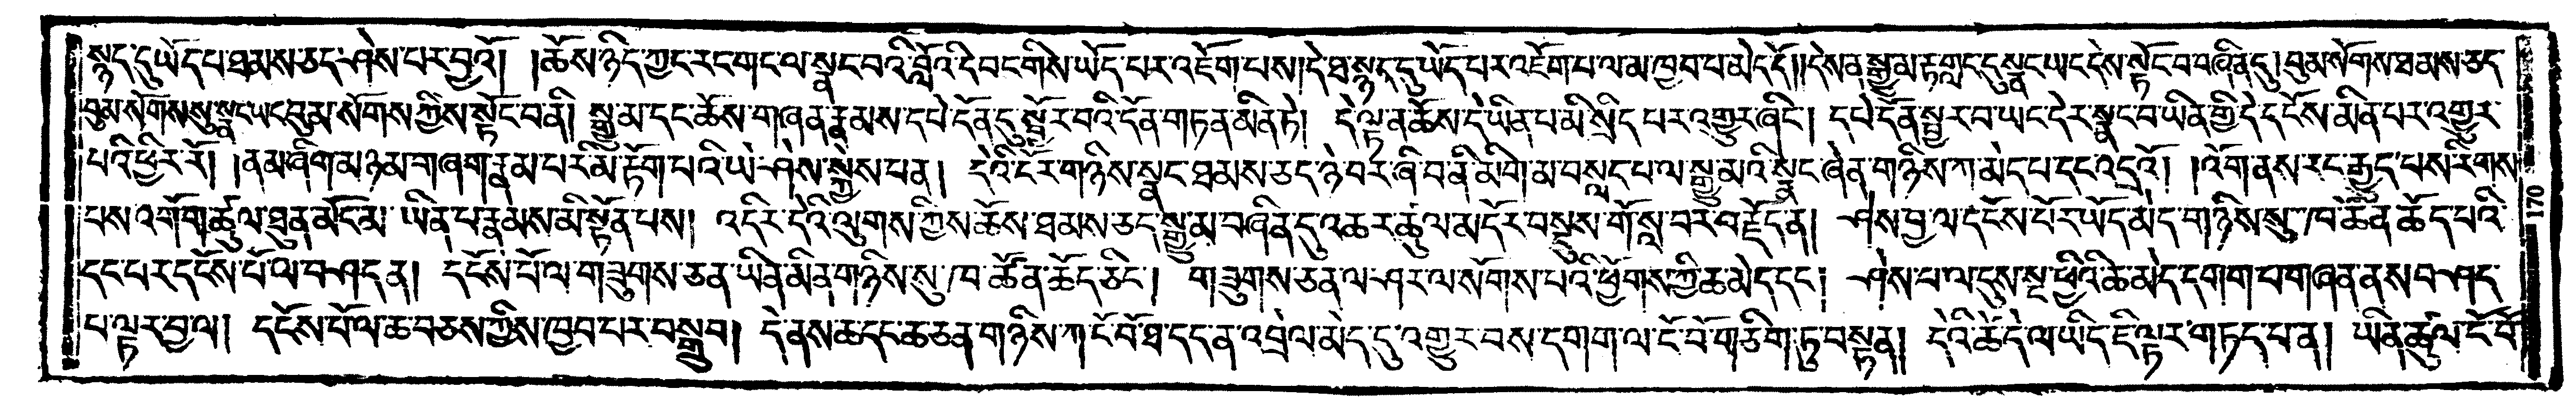སྙད་དུ་ཡོད་པ་ཐམས་ཅད་ཤེས་པར་བྱའོ། །ཆོས་ཉིད་ཀྱང་རང་གང་ལ་སྣང་བའི་བློའི་དབང་གིས་ཡོད་པར་འཇོག་པས། དེ་ཐ་སྙད་དུ་ཡོད་པར་འཇོག་པ་ལ་མ་ཁྱབ་པ་མེད་དོ། །དེས་ན་སྒྱུ་མ་རྟ་གླང་དུ་སྣང་ཡང་དེས་སྟོང་པ་བཞིན་དུ། བུམ་སོགས་ཐམས་ཅད་
བུམ་སོགས་སུ་སྣང་ཡང་བུམ་སོགས་ཀྱིས་སྟོང་པ་ནི། སྒྱུ་མ་དང་ཆོས་གཞན་རྣམས་དཔེ་དོན་དུ་སྦྱོར་བའི་དོན་གཏན་མིན་ཏེ། །དེ་ལྟ་ན་ཆོས་དེ་ཡིན་པ་མི་སྲིད་པར་འགྱུར་ཞིང་། དཔེ་དོན་སྦྱར་བ་ཡང་དེར་སྣང་བ་ཡིན་གྱི་དེ་དངོས་མིན་པར་འགྱུར་
བའི་ཕྱིར་རོ། །ནམ་ཞིག་མཉམ་གཞག་རྣམ་པར་མི་རྟོག་པའི་ཡེ་ཤེས་སྐྱེས་པ་ན། དེའི་ངོར་གཉིས་སྣང་ཐམས་ཅད་ཉེ་བར་ཞི་བ་ནི་མིག་མ་བསླད་པ་ལ་སྒྱུ་མའི་སྣང་ཞེན་གཉིས་ཀ་མེད་པ་དང་འདྲའོ། །འོག་ནས་རང་རྒྱུད་པས་རིགས་
པས་འགོག་ཚུལ་ཐུན་མོང་མ་ཡིན་པ་རྣམས་མི་སྟོན་པས། འདིར་དེའི་ལུགས་ཀྱིས་ཆོས་ཐམས་ཅད་སྒྱུ་མ་བཞིན་དུ་འཆར་ཚུལ་མདོར་བསྡུས་གོ་སླ་བར་བརྗོད་ན། ཤེས་བྱ་ལ་དངོས་པོར་ཡོད་མེད་གཉིས་སུ་ཁ་ཚོན་ཆོད་པའི་
དང་པོར་དངོས་པོ་ལ་བཤད་ན། དངོས་པོ་ལ་གཟུགས་ཅན་ཡིན་མིན་གཉིས་སུ་ཁ་ཚོན་ཆོད་ཅིང་། གཟུགས་ཅན་ལ་ཤར་ལ་སོགས་པའི་ཕྱོགས་ཀྱི་ཆ་མེད་དང་། ཤེས་པ་ལ་དུས་སྔ་ཕྱིའི་ཆ་མེད་དགག་པ་གཞན་ནས་བཤད་
པ་ལྟར་བྱ་ལ། དངོས་པོ་ལ་ཆ་བཅས་ཀྱིས་ཁྱབ་པར་བསྒྲུབ། དེ་ནས་ཆ་དང་ཆ་ཅན་གཉིས་ཀ་ངོ་བོ་ཐ་དད་ན་འབྲེལ་མེད་དུ་འགྱུར་བས་དགག་ལ་ངོ་བོ་གཅིག་ཏུ་བསྟན། དེའི་ཚེ་དེ་ལ་ཡིད་ཇི་ལྟར་གཏད་པ་ན། ཡིན་ཚུལ་ངོ་བོ་